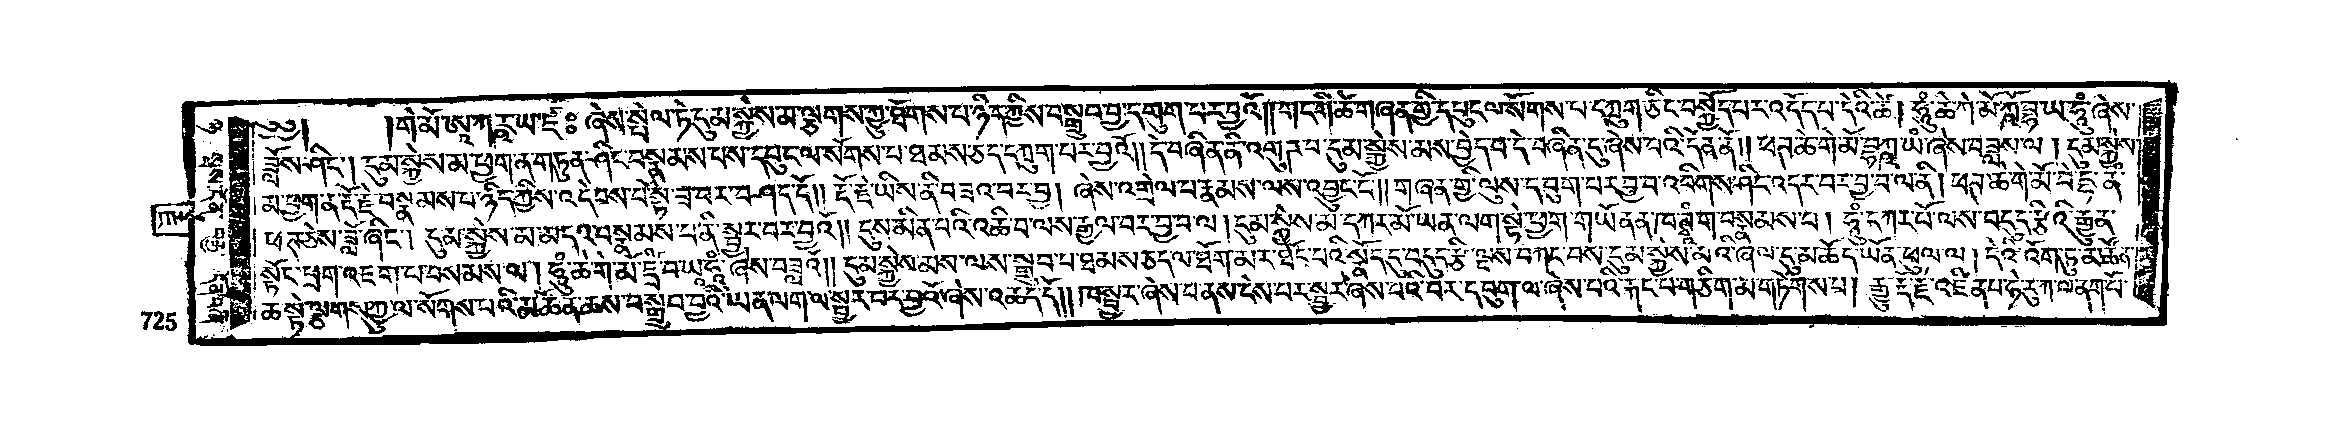༄༅། །གེ་མོ་ཨཱ་ཀརྵ་ཡ་ཛཿ ཞེས་སྤེལ་ཏེ་དུམ་སྐྱེས་མ་ལྕགས་ཀྱུ་ཐོགས་པ་ཉིད་ཀྱིས་བསྒྲུབ་བྱ་དགུག་པར་བྱའོ། །གང་གི་ཚེ་གཞན་གྱི་དཔུང་ལ་སོགས་པ་དཀྲུག་ཅིང་བསྐྱོད་པར་འདོད་པ་དེའི་ཚེ། ཧཱུཾ་ཆེ་གེ་མོ་ཀྵོ་བྷ་ཡ་ཧཱུཾ་ཞེས་
ཟློས་ཤིང་། དུམ་སྐྱེས་མ་ཕྱག་ན་གཏུན་ཤིང་བསྣམས་པས་དཔུང་ལ་སོགས་པ་ཐམས་ཅད་དཀྲུག་པར་བྱའོ། །དེ་བཞིན་ནི་འགུཊ་པ་དུམ་སྐྱེས་མས་བྱེད་པ་དེ་བཞིན་དུ་ཞེས་པའི་དོན་ནོ། །ཕཊ་ཆེ་གེ་མོ་བྷཀྵ་ཡཾ་ཞེས་བཟླས་ལ། དུམ་སྐྱེས་
མ་ཕྱག་ན་རྡོ་རྗེ་བསྣམས་པ་ཉིད་ཀྱིས་འདེབས་པ་སྟེ་ཟ་བར་བཤད་དོ། །རྡོ་རྗེ་ཡིས་ནི་བཟའ་བར་བྱ། ཞེས་འགྲེལ་པ་རྣམས་ལས་འབྱུང་ངོ། །གཞན་གྱི་ལུས་དབུག་པར་བྱ་བ་འབིགས་ཤིང་འདར་བར་བྱ་བ་ལ་ནི། ཕཊ་ཆེ་གེ་མོ་བེ་དྷ་ནཾ་
ཕཊ་ཅེས་ཟློ་ཞིང་། དུམ་སྐྱེས་མ་མདའ་བསྣམས་པ་ནི་སྦྱར་བར་བྱའོ། །དུས་མིན་པའི་འཆི་བ་ལས་རྒྱལ་བར་བྱ་བ་ལ། དུམ་སྐྱེས་མ་དཀར་མོ་ཡན་ལག་སྟེ་ཕྱག་གཡོན་ན་ཁ་ཊྭཱཾ་ག་བསྣམས་པ། ཧཱུཾ་དཀར་པོ་ལས་བདུད་རྩིའི་རྒྱུན་
སྟོང་ཕྲག་འཛག་པ་བསམས་ལ། ཧཱུཾ་ཆེ་གེ་མོ་ཛྲི་བ་ཡཱ་ཧཱུཾ་ཞེས་བཟླའོ། །དུམ་སྐྱེས་མས་ལས་སྒྲུབ་པ་ཐམས་ཅད་ལ་ཐོག་མར་ཐོད་པའི་སྣོད་དུ་བདུད་རྩི་ལྔས་བཀང་བས་དུམ་སྐྱེས་མའི་ཞལ་དུ་མཆོད་ཡོན་ཕུལ་ལ། དེའི་འོག་ཏུ་མཚོན་
ཆ་སྟེ་ལྕགས་ཀྱུ་ལ་སོགས་པའི་མཚོན་ཆས་བསྒྲུབ་བྱའི་ཡན་ལག་ལ་སྦྱར་བར་བྱའོ་ཞེས་འཆད་དོ། །ཁ་སྦྱར་ཞེས་པ་ནས་ངེས་པར་སྦྱར་ཞེས་པའི་བར་དབུག་ལ་ཞེས་པའི་རྐང་པ་གཅིག་མ་གཏོགས་པ། རྒྱུ་རྡོ་རྗེ་འཛིན་པ་ཧེ་རུ་ཀ་ལ་ནག་པོ་